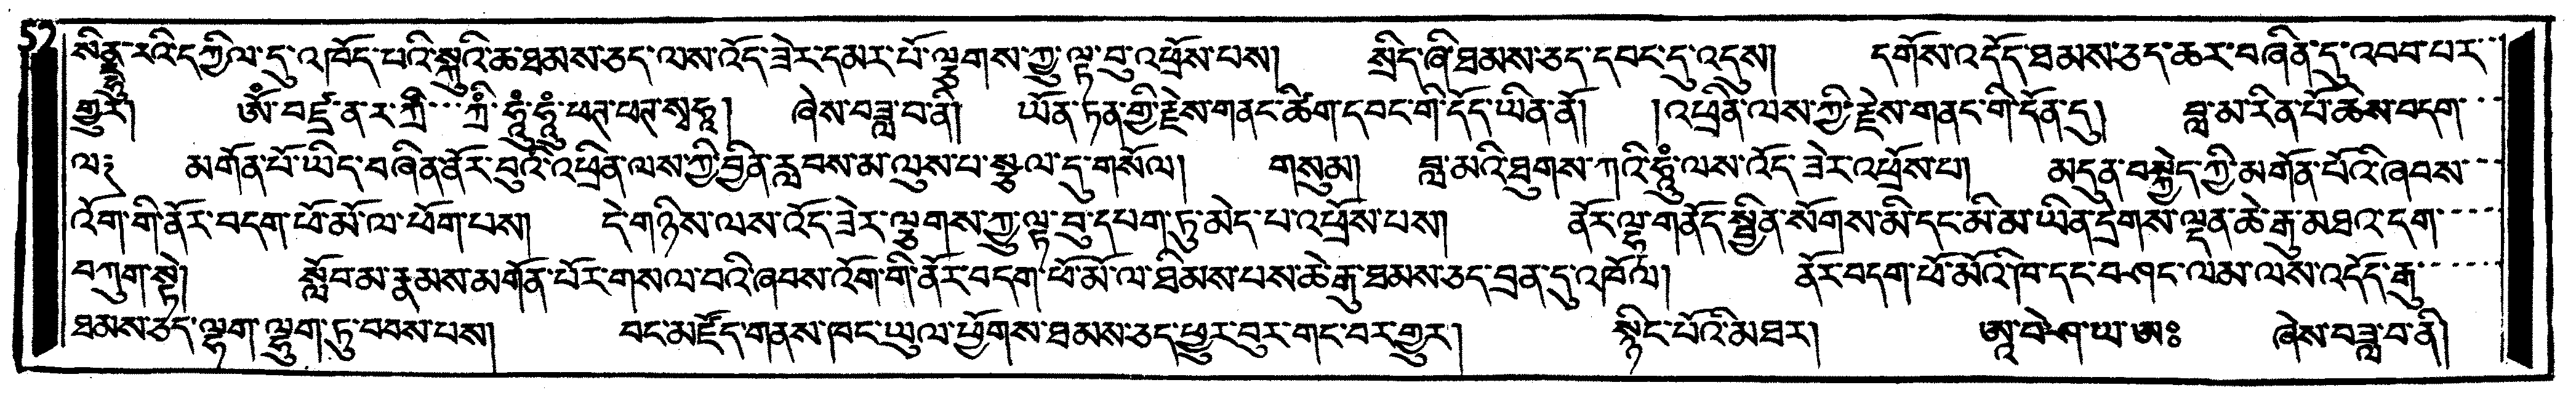སིནྡྷུ་རའི་དཀྱིལ་དུ་འཁོད་པའི་སྐུའི་ཆ་ཐམས་ཅད་ལས་འོད་ཟེར་དམར་པོ་ལྕགས་ཀྱུ་ལྟ་བུ་འཕྲོས་པས། སྲིད་ཞི་ཐམས་ཅད་དབང་དུ་འདུས། དགོས་འདོད་ཐམས་ཅད་ཆར་བཞིན་དུ་འབབ་པར་
གྱུར། ཨོཾ་བྫྲ་ན་ར་ཀྲིཾ་ཀྲིཾ་ཧཱུཾ་ཧཱུཾ་ཕཊ་ཕཊ་སྭ་ཧྭ། ཞེས་བཟླ་བ་ནི། ཡོན་ཏན་གྱི་རྗེས་གནང་ཚིག་དབང་གི་དོད་ཡིན་ནོ། །འཕྲིན་ལས་ཀྱི་རྗེས་གནང་གི་དོན་དུ། བླ་མ་རིན་པོ་ཆེས་བདག་
ལ༑ མགོན་པོ་ཡིད་བཞིན་ནོར་བུའི་འཕྲིན་ལས་ཀྱི་བྱིན་རླབས་མ་ལུས་པ་སྩལ་དུ་གསོལ། གསུམ། བླ་མའི་ཐུགས་ཀའི་ཧཱུཾ་ལས་འོད་ཟེར་འཕྲོས་པ། མདུན་བསྐྱེད་ཀྱི་མགོན་པོའི་ཞབས་
འོག་གི་ནོར་བདག་ཕོ་མོ་ལ་ཕོག་པས། དེ་གཉིས་ལས་འོད་ཟེར་ལྕགས་ཀྱུ་ལྟ་བུ་དཔག་ཏུ་མེད་པ་འཕྲོས་པས། ནོར་ལྷ་གནོད་སྦྱིན་སོགས་མི་དང་མི་མ་ཡིན་དྲེགས་ལྡན་ཆེ་རྒུ་མཐའ་དག་
བཀུག་སྟེ། སློབ་མ་རྣམས་མགོན་པོར་གསལ་བའི་ཞབས་འོག་གི་ནོར་བདག་ཕོ་མོ་ལ་ཐིམས་པས་ཆེ་རྒུ་ཐམས་ཅད་བྲན་དུ་འཁོལ། ནོར་བདག་ཕོ་མོའི་ཁ་དང་བཤང་ལམ་ལས་འདོད་རྒུ་
ཐམས་ཅད་ལྷག་ལྷུག་ཏུ་བབས་པས། བང་མཛོད་གནས་ཁང་ཡུལ་ཕྱོགས་ཐམས་ཅད་ཕྱུར་བུར་གང་བར་གྱུར། སྙིང་པོའི་མཐར། ཨཱ་བེ་ཤ་ཡ་ཨཿ ཞེས་བཟླ་བ་ནི།